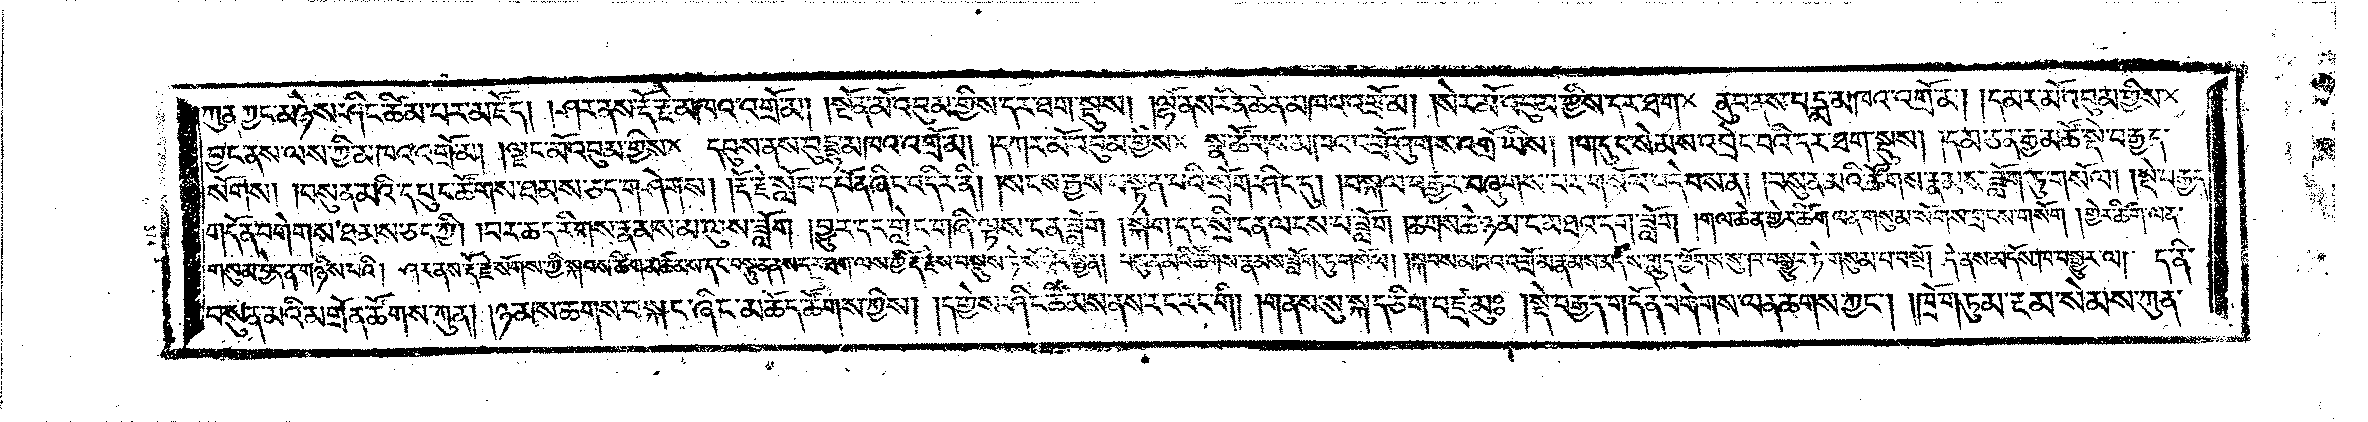ཀུན་ཀྱང་མཉེས་ཤིང་ཚིམ་པར་མཛོད། །ཤར་ནས་རྡོ་རྗེ་མཁའ་འགྲོ་མ། །སྔོན་མོ་འབུམ་གྱིས་དར་ཐག་སྡུས། །ལྷོ་ནས་རིན་ཆེན་མཁའ་འགྲོ་མ། །སེར་མོ་འབུམ་གྱིས་དར་ཐག་྾་ནུབ་ནས་པདམ་མཁའ་འགྲོ་མ། །དམར་མོ་འབུམ་གྱིས་྾་
བྱང་ནས་ལས་ཀྱི་མཁའ་འགྲོ་མ། །ལྗང་མོ་འབུམ་གྱིས་྾་དབུས་ནས་བུདྡྷ་མཁའ་འགྲོ་མ། །དཀར་མོ་འབུམ་གྱིས་྾་སྣ་ཚོགས་མཁའ་འགྲོ་ཤུགས་འགྲོ་ཡིས། །གདུང་སེམས་འབྲེང་བའི་དར་ཐག་སྡུས། །དམ་ཅན་རྒྱ་མཚོ་སྡེ་བརྒྱད་
སོགས། །བསུན་མའི་དཔུང་ཚོགས་ཐམས་ཅད་གཤེགས། །རྡོ་རྗེ་སློབ་དཔོན་ཞིང་འདིར་ནི། །སངས་རྒྱས་བསྟན་པའི་སྲོག་ཤིང་དུ། །བསྐལ་བརྒྱར་བཞུགས་པར་གསོལ་འདེབས་ན། །བསུན་མའི་ཚོགས་རྣམས་ཟློག་ཏུ་གསོལ། །སྡེ་བརྒྱད་
གདོན་བགེགས་ཐམས་ཅད་ཀྱི། །བར་ཆད་རིགས་རྣམས་མ་ལུས་ཟློག །བྱུར་དང་གླེང་གཞི་ལྟས་ངན་ཟློག །སྐེག་དང་སྲི་ངན་ལངས་པ་ཟློག །ཆགས་ཆེ་ཉམ་ང་མཐའ་དག་ཟློག །གལ་ཆེན་གྱེར་ཚིག་ལན་གསུམ་སོགས་གྲངས་གསོག །གྱེར་ཚིག་ལན་
གསུམ་བྱེད་ན་གཉིས་པའི། ཤར་ནས་རྡོ་རྗེ་སོགས་ཀྱི་སྐབས་ཚིག་མཚམས་དང་བསྟུན་ནས་དར་ཐག་ལས་ཀྱི་རྡོ་རྗེས་བསྡུས་ཏེ་སོ་དགོས་སྦྱིན། བསུན་མའི་ཚོགས་རྣམས་ཟློག་ཏུ་གསོལ། །སྐབས་མཁའ་འགྲོ་མ་རྣམས་མདོས་གླུད་ཕྱོགས་སུ་ཁ་བསྒྱུར་ཏེ་གསུམ་པ་བསྔོ། དེ་ནས་མདོས་ཁ་བསྒྱུར་ལ། ད་ནི་
བསུན་མའི་མགྲོན་ཚོགས་ཀུན། །ཉམས་ཆགས་བསྐང་ཞིང་མཆོད་ཚོགས་ཀྱིས། །དགྱེས་ཤིང་ཚིམས་ནས་རང་རང་གི། །གནས་སུ་སྐད་ཅིག་བཛྲ་མུཿ །སྡེ་བརྒྱད་གདོན་བགེགས་ལན་ཆགས་ཀྱང་། །ཁྲོ་གཏུམ་རྔམ་སེམས་ཀུན་